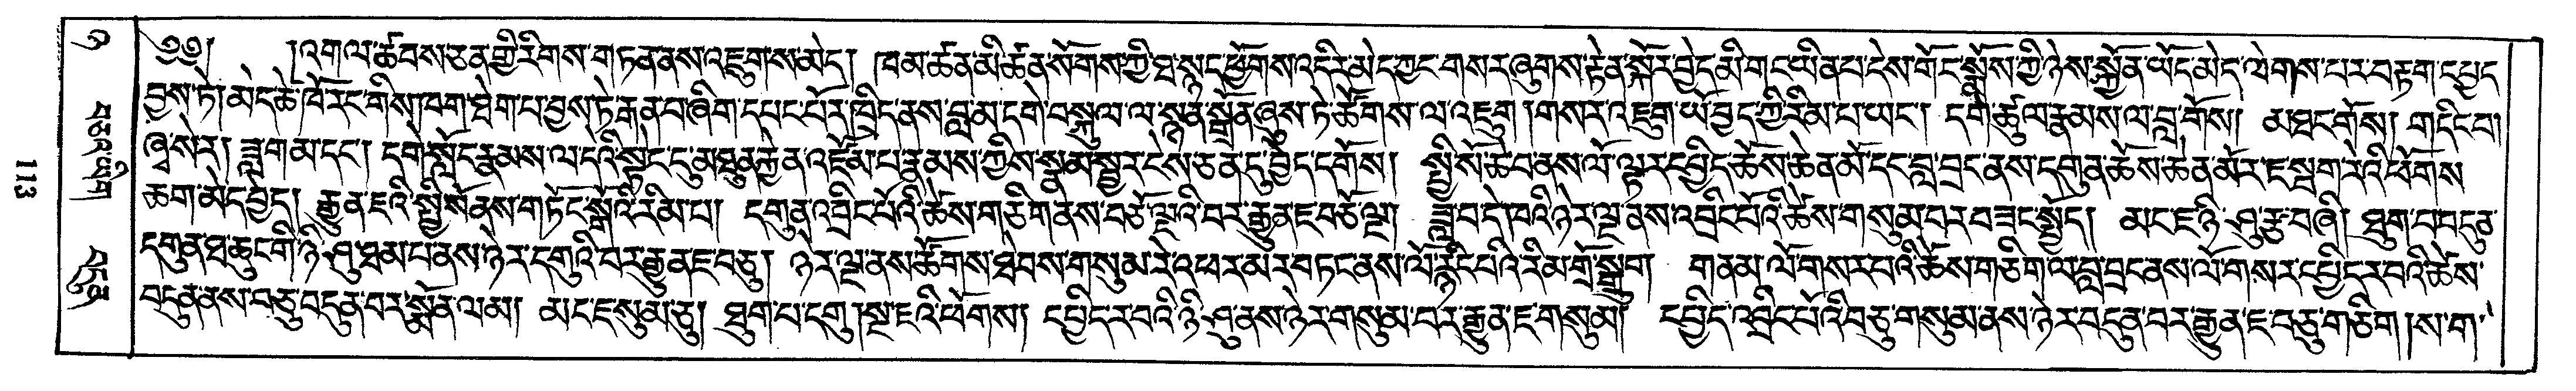༄༅། །འགལ་ཚབས་ཅན་གྱི་རིགས་གཏན་ནས་འཇུགས་མེད། ཁམ་ཚན་མི་ཚན་སོགས་ཀྱི་ཐ་སྙད་ཕྱོགས་འདིར་མེད་ཀྱང་གསར་ཞུགས་རྟེན་སྐོར་བྱེད་མི་གང་ཡིན་པ་དེས་གོང་སྨོས་ཀྱི་ཉེས་སྐྱོན་ཡོད་མེད་ལེགས་པར་བརྟག་དཔྱད་
བྱས་ཏེ། མེད་ཚེ་ཁོ་རང་གིས་ཁག་ཐེག་པ་བྱས་ཏེ་རྒན་པ་ཞིག་དཔང་པོར་ཁྲིད་ནས་བླ་མ་དགེ་བསྐུལ་ལ་སྙན་སྒྲོན་ཞུས་ཏེ་ཚོགས་ལ་འཇུག །གསར་འཇུག་ཡོ་བྱད་ཀྱི་རིམ་པ་ཡང་། དགེ་སུལ་རྣམས་ལ་བླ་གོས། མཐང་གོས། གདིང་བ།
ཞྭ་སེར། ཟླ་གམ་དང་། དགེ་སློང་རྣམས་ལ་དེའི་སྟེང་དུ་མཐུན་རྐྱེན་འཛོམ་པ་རྣམས་ཀྱིས་སྣམ་སྦྱར་དེས་ཅན་དུ་བྱེད་དགོས། སྤྱི་སོ་ཆེ་བ་ནས་ལོ་ལྟར་དཔྱིད་ཆོས་ཆེན་མོ་དང་བླ་བྲང་ནས་དགུན་ཆོས་ཆེན་མོར་ཇ་སྦག་རེའི་ཕོགས་
ཆག་མེད་བྱེད། རྒྱུན་ཇའི་སྤྱི་སོ་ནས་གཏོང་སྒོའི་རིམ་པ། དགུན་འབྲིང་པོའི་ཚེས་གཅིག་ནས་བཅོ་ལྔའི་བར་རྒྱུན་ཇ་བཅོ་ལྔ། ཟླ་བ་དེ་ཁའི་ཉེར་ལྔ་ནས་འབྲིང་པོའི་ཚེས་གསུམ་བར་བཟང་སྤྱོད། མང་ཇ་ཉི་ཤུ་རྩ་བཞི། ཐུག་བ་བདུན་
དགུན་ཐ་ཆུང་གི་ཉི་ཤུ་ཐམ་པ་ནས་ཉེར་དགུའི་བར་རྒྱུན་ཇ་བཅུ། ཉེར་ལྔ་ནས་ཚོགས་ཐེབས་གསུམ་རེ་འཕར་མར་བཏང་ནས་ལོ་རྙིང་པའི་རིམ་གྲོ་སྒྲུབ། གནམ་ལོ་གསར་པའི་ཚེས་གཅིག་ལ་བླ་བྲང་ནས་ལོ་གསར་དཔྱིད་ར་བའི་ཚེས་
བདུན་ནས་བཅུ་བདུན་བར་སྨོན་ལམ། མང་ཇ་སུམ་ཅུ། ཐུག་པ་དགུ། སྔ་ཇའི་ཕོགས། དཔྱིད་ར་བའི་ཉི་ཤུ་ནས་ཉེར་གསུམ་བར་རྒྱུན་ཇ་གསུམ། དཔྱིད་འབྲིང་པོའི་བཅུ་གསུམ་ནས་ཉེར་བདུན་བར་རྒྱུན་ཇ་བཅུ་གཅིག །ས་ག་